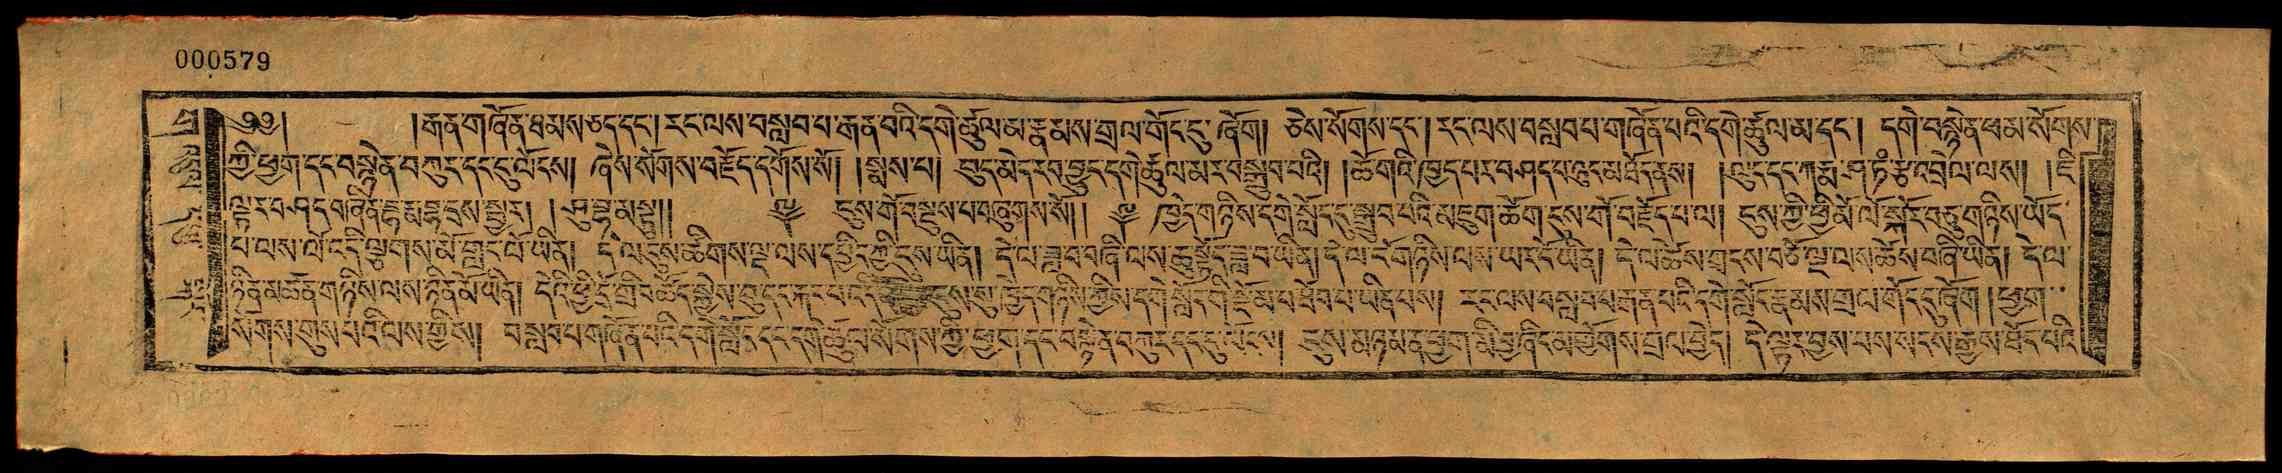༄༅། །རྒན་གཞོན་ཐམས་ཅད་དང་། རང་ལས་བསླབ་པ་རྒན་པའི་དགེ་ཚུལ་མ་རྣམས་གྲལ་གོང་དུ་ཞོག། ཅེས་སོགས་དང་། རང་ལས་བསླབ་པ་གཞོན་པའི་དགེ་ཚུལ་མ་དང་། དགེ་བསྙེན་ཕ་མ་སོགས་
ཀྱི་ཕྱག་དང་བསྙེན་བཀུར་དང་དུ་ལོངས། ཞེས་སོགས་བརྗོད་དགོས་སོ། །སྨྲས་པ། བུད་མེད་དང་བྱུང་དགེ་ཚུལ་མར་བསྒྲུབ་པའི། །ཆོ་གའི་ཁྱད་པར་བཤད་པ་ཉུང་མཐོང་ནས། །ལུང་དང་ཀརྨ་ཤ་ཏཾ་རྩ་འགྲེལ་ལས། །ཇི་
ལྟར་བཤད་བཞིན་དྷརྨ་བྷ་དྲས་སྦྱར། །ཤུ་བྷ་མསྟུ།། ༈ དུས་གོ་བསྡུས་པ་བཞུགས་སོ།། ༈ ཁྱེད་གཉིས་དགེ་སློང་དུ་སྒྲུབ་པའི་མཇུག་ཆོག་དུས་གོ་བརྗོད་པ་ལ། དུས་ཀྱི་ཕྱི་མོ་ལོ་སྐོར་བཅུ་གཉིས་ཡོད་
པ་ལས་ལོ་འདི་ལྕགས་མོ་གླང་ལོ་ཡིན། ད་ལྔ་དུས་ཚིགས་ལྔ་ལས་དཔྱིད་ཀྱི་དུས་ཡིན། དེ་ལ་ཟླ་བ་བཞི་ལས་ཆུ་སྟོད་ཟླ་བ་ཡིན། དེ་ལ་ངོ་གཉིས་ལས་ཡར་ངོ་ཡིན། དེ་ལ་ཚེས་གྲངས་བཅོ་ལྔ་ལས་ཚེས་བཞི་ཡིན། དེ་ལ་
ཉིན་མཚན་གཉིས་ལས་ཉིན་མོ་ཡིན། དེའི་ཕྱི་དྲོ་གྲིབ་ཚོད་སྐྱེས་བུ་དང་རྐང་པ་འདིའི་དུས་སུ་ཁྱེད་གཉིས་ཀྱིས་དགེ་སློང་གི་སྡོམ་པ་ཐོབ་པ་ཡིན་པས། རང་ལས་བསླབ་པ་རྒན་པའི་དགེ་སློང་རྣམས་གྲལ་གོང་དུ་ཞོག །ཕྱག་
སོགས་གུས་པའི་ལས་ཀྱིས། བསླབ་པ་གཞོན་པའི་དགེ་སློང་དང་དགེ་ཚུལ་སོགས་ཀྱི་ཕྱག་དང་བསྙེན་བཀུར་དང་དུ་ལོངས། དུས་མཉམ་ན་ཕྱག་ནི་བྱ་ཞིང་མགྱོགས་གྲལ་བྱེད། དེ་ལྟར་བྱས་པས་སངས་རྒྱས་ཐོབ་པའི་